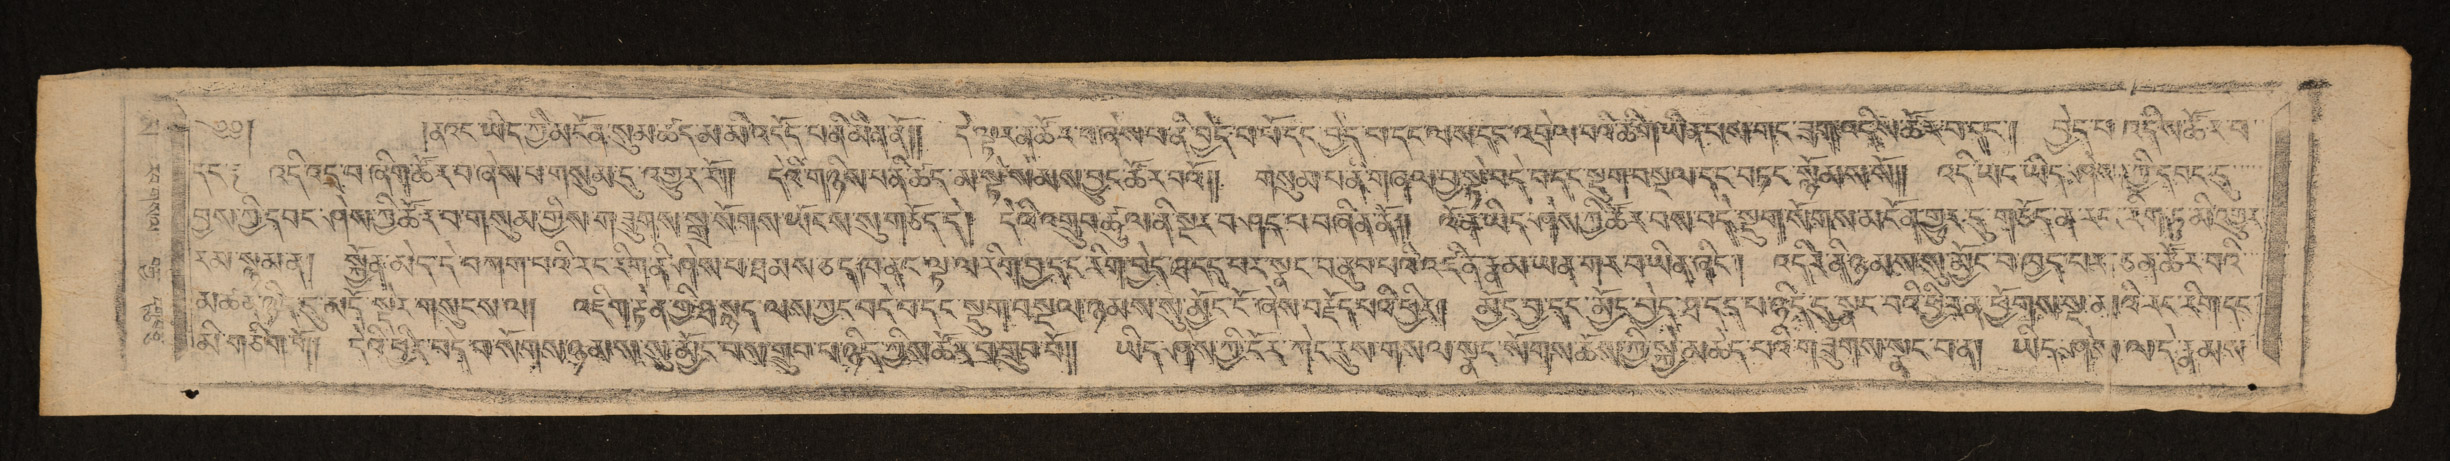༄༅། །ནའང་ཡིད་ཀྱི་མངོན་སུམ་ཚད་མ་མི་འདོད་པ་ནི་མིན་ནོ།། དེ་ལྟར་ན་ཚོར་བ་ཞེས་པ་ནི་བྱེད་པ་པོ་དང་བྱེད་པ་དང་ལས་དང་འབྲེལ་བའི་ཚིག་ཡིན་པས་གང་ཟག་འདིས་ཚོར་བ་དང་། བྱེད་པ་འདིས་ཚོར་བ་
དང༑ འདི་འདྲ་བ་ཞིག་ཚོར་བ་ཞེས་པ་གསུམ་དུ་འགྱུར་རོ།། དེའི་གཉིས་པ་ནི་ཚད་མ་སྟེ་སེམས་བྱུང་ཚོར་བའོ།། གསུམ་པ་ནི་གཞལ་བྱ་སྟེ་བདེ་བ་དང་སྡུག་བསྔལ་དང་བཏང་སྙོམས་སོ།། འདི་ཡང་ཡིད་ཤེས་ཀྱི་དབང་དུ་
བྱས་ཀྱི་དབང་ཤེས་ཀྱི་ཚོར་བ་གསུམ་གྱིས་གཟུགས་སྒྲ་སོགས་ཡོངས་སུ་གཅོད་དེ། དེའི་འགྲུབ་ཚུལ་ནི་སྔར་བཤད་པ་བཞིན་ནོ།། འོ་ན་ཡིད་ཤེས་ཀྱི་ཚོར་བས་བདེ་སྡུག་སོགས་མངོན་གྱུར་དུ་གཅོད་ན་རང་རིག་ཏུ་མི་འགྱུར་
རམ་སྙམ་ན། སྐྱོན་མེད་དེ་བཀག་པའི་རང་རིག་ནི་ཤེས་པ་ཐམས་ཅད་ཁ་ནང་ལྟ་ལ་རིག་བྱ་དང་རིག་བྱེད་ཐ་དད་པར་སྣང་བ་ནུབ་པའི་འཛིན་རྣམ་ཡན་གར་བ་ཡིན་ཞིང་། འདིར་ནི་ཉམས་སུ་མྱོང་བ་ཁྱད་པར་ཅན་ཚོར་བའི་
མཚན་ཉིད་དུ་མདོ་སྡེར་གསུང་ལ། འཇིག་རྟེན་གྱི་ཐ་སྙད་ལས་ཀྱང་བདེ་བ་དང་སྡུག་བསྔལ་ཉམས་སུ་མྱོང་ངོ་ཞེས་བརྗོད་པའི་ཕྱིར། མྱོང་བྱ་དང་མྱོང་བྱེད་ཐ་དད་པ་ཉིད་དུ་སྣང་བའི་ཕྱིར་ན་ཕྱོགས་སྔ་མའི་རང་རིག་དང་
མི་གཅིག་གོ། དེའི་ཕྱིར་བདེ་བ་སོགས་ཉམས་སུ་མྱོང་བས་གྲུབ་པ་ཉིད་ཀྱིས་ཚོར་བ་གྲུབ་བོ།། ཡིད་ཤེས་ཀྱི་ངོར་ཀེང་རུས་གསལ་སྣང་སོགས་ཆོས་ཀྱི་སྐྱེ་མཆེད་པའི་གཟུགས་སྣང་བ་ན། ཡིད་ཤེས་ལ་དེ་རྣམས་